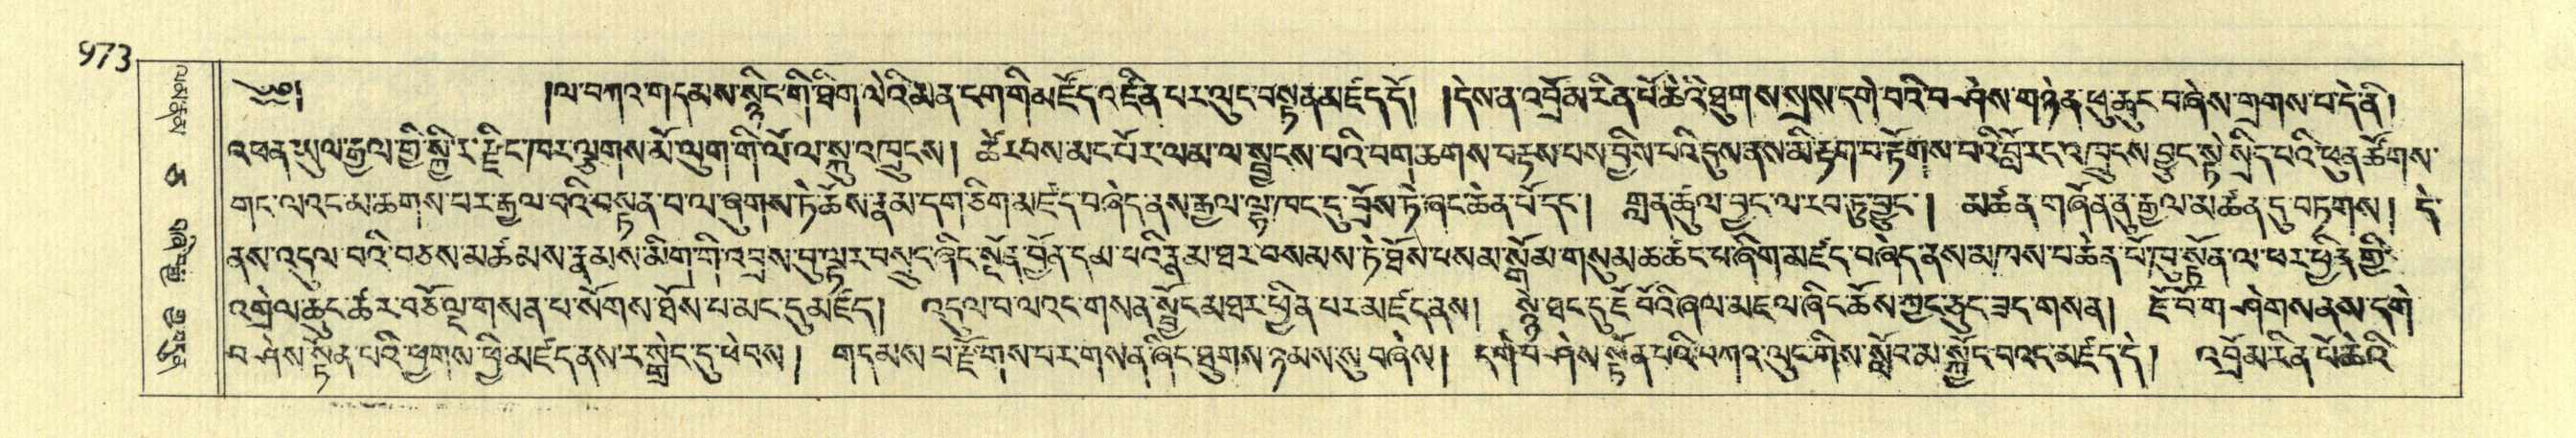༄༅། །ལ་བཀའ་གདམས་སྙིང་གི་ཐིག་ལེའི་མན་ངག་གི་མཛོད་འཛིན་པར་ལུང་བསྟན་མཛད་དོ། །དེས་ན་འབྲོམ་རིན་པོ་ཆེའི་ཐུགས་སྲས་དགེ་བའི་བཤེས་གཉེན་ཕུ་ཆུང་བ་ཞེས་གྲགས་པ་དེ་ནི་།
འཕན་ཡུལ་རྒྱལ་གྱི་སྐྱི་ར་རྫིང་ཁར་ལྕགས་མོ་ལུག་གི་ལོ་ལ་སྐུ་འཁྲུངས། ཚེ་རབས་མང་པོར་ལམ་ལ་སྦྱངས་པའི་བག་ཆགས་བརྟས་པས་བྱིས་པའི་དུས་ནས་མི་རྟག་བ་རྟོགས་པའི་བློ་རང་འཁྲུངས་བྱུང་སྟེ་སྲིད་པའི་ཕུན་ཚོགས་
གང་ལའང་མ་ཆགས་པར་རྒྱལ་བའི་བསྟན་བ་ལ་ཞུགས་ཏེ་ཆོས་རྣམ་དག་ཅིག་མཛད་བཞེད་ནས་རྒྱལ་ལྷ་ཁང་དུ་བྲོས་ཏེ་ཞང་ཆེན་པོ་དང་། གླན་ཚུལ་བྱང་ལ་རབ་ཏུ་བྱུང་། མཚན་གཞོན་ནུ་རྒྱལ་མཚན་དུ་བཏགས། དེ་
ནས་འདུལ་བའི་བཅས་མཚམས་རྣམས་མིག་གི་འབྲས་བུ་ལྟར་བསྲུང་ཞིང་སྔོན་བྱོན་དམ་པའི་རྣམ་ཐར་བསམས་ཏེ་ཐོས་པས་མ་སྒོམ་གསུམ་ཆ་ཚང་པ་ཞིག་མཛད་བཞེད་ནས་མཁས་པ་ཆེན་པོ་ཁུ་སྟོན་ལ་ཕར་ཕྱིན་གྱི་
འགྲེལ་ཆུང་ཚར་བཅོ་ལྔ་གསན་པ་སོགས་ཐོས་པ་མང་དུ་མཛད། འདུལ་བ་ལའང་གསན་སྦྱོང་མཐར་ཕྱིན་པར་མཛད་ནས། སྙེ་ཐང་དུ་ཇོ་བོའི་ཞལ་མཇལ་ཞིང་ཆོས་ཀྱང་ཅུང་ཟད་གསན། ཇོ་བོ་གཤེགས་ནས་དགེ་
བཤེས་སྟོན་པའི་ཕྱགས་ཕྱི་མཛད་ནས་ར་སྒྲེང་དུ་ཕེབས། གདམས་པ་རྫོགས་པར་གསན་ཞིང་ཐུགས་ཉམས་སུ་བཞེས། དགེ་བཤེས་སྟོན་པའི་བཀའ་ལུང་གིས་སློབ་མ་སྐྱོང་བའང་མཛད་དེ། འབྲོམ་རིན་པོ་ཆེའི་